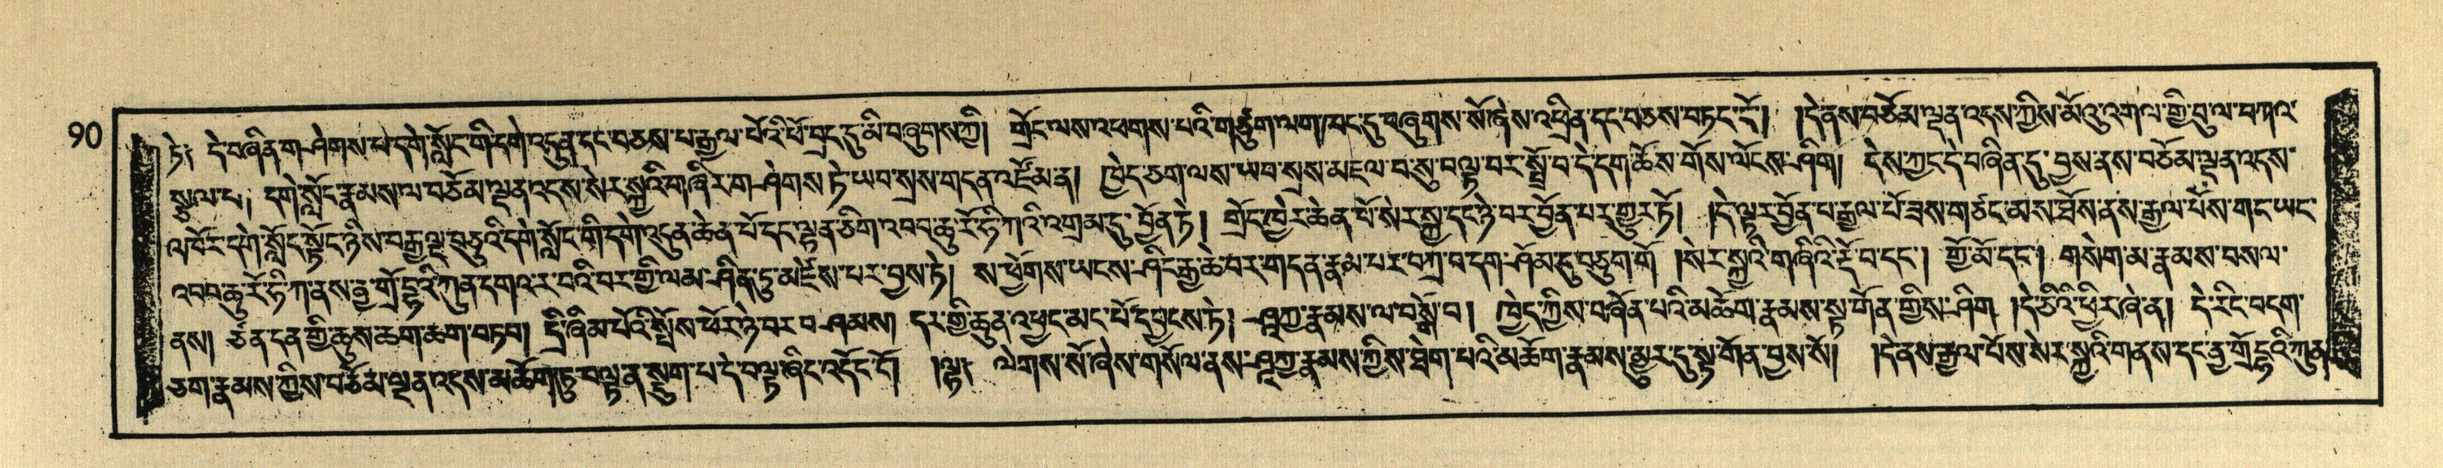ཏེ༑ དེ་བཞིན་གཤེགས་པ་དགེ་སློང་གི་དགེ་འདུན་དང་བཅས་པ་རྒྱལ་པོའི་ཕོ་བྲང་དུ་མི་བཞུགས་ཀྱི། གྲོང་ལས་འཕགས་པའི་གཙུག་ལག་ཁང་དུ་བཞུགས་སོ་ཞེས་འཕྲིན་དང་བཅས་བཏང་ངོ། །དེ་ནས་བཅོམ་ལྡན་འདས་ཀྱིས་མོའུ་འགལ་གྱི་བུ་ལ་བཀའ་
སྩལ་པ། དགེ་སློང་རྣམས་ལ་བཅོམ་ལྡན་འདས་སེར་སྐྱའི་གཞིར་གཤེགས་ཏེ་ཡབ་སྲས་གདན་འཛོམ་ན། ཁྱེད་ཅག་ལས་ཡབ་སྲས་མཇལ་བ་སུ་བལྟ་བར་སྤྲོ་བ་དེ་དག་ཆོས་གོས་ལོངས་ཤིག། དེས་ཀྱང་དེ་བཞིན་དུ་བྱས་ནས་བཅོམ་ལྡན་འདས་
འཁོར་དགེ་སློང་སྟོང་ཉིས་བརྒྱ་ལྔ་བཅུའི་དགེ་སློང་གི་དགེ་འདུན་ཆེན་པོ་དང་ལྷན་ཅིག་འབབ་ཆུ་རོ་ཧི་ཀའི་འགྲམ་དུ་བྱོན་ཏེ། གྲོང་ཁྱེར་ཆེན་པོ་སེར་སྐྱ་དང་ཉེ་བར་བྱོན་པར་གྱུར་ཏོ། །དེ་ལྟར་བྱོན་པ་རྒྱལ་པོ་ཟས་གཙང་མས་ཐོས་ནས་རྒྱལ་པོས་གང་ཡང་
འབབ་ཆུ་རོ་ཧི་ཀ་ནས་ནྱ་གྲོ་དྷའི་ཀུན་དགའ་ར་བའི་བར་གྱི་ལམ་ཤིན་ཏུ་མཛེས་པར་བྱས་ཏེ། ས་ཕྱོགས་ཡངས་ཤིང་རྒྱ་ཆེ་བར་གདན་རྣམ་པར་བཀྲ་བདག་ཤོམ་དུ་བཅུག་གོ །སེར་སྐྱའི་གཞིའི་རྡོ་བ་དང་། གྱོ་མོ་དང་། གསེག་མ་རྣམས་བསལ་
ནས། ཙན་དན་གྱི་ཆུས་ཆག་ཆག་བཏབ། དྲི་ཞིམ་པོའི་སྤོས་ཕོར་ཉེ་བར་བཤམས། དར་གྱི་ཆུན་འཕྱང་མང་པོ་དབྱངས་ཏེ། ཤཱཀྱ་རྣམས་ལ་བསྒོ་བ། ཁྱེད་ཀྱིས་བཞོན་པའི་མཆོག་རྣམས་སྟ་གོན་གྱིས་ཤིག །དེ་ཅིའི་ཕྱིར་ཞེ་ན། དེ་རིང་བདག་
ཅག་རྣམས་ཀྱིས་བཅོམ་ལྡན་འདས་མཆོག་ཏུ་བལྟ་ན་སྡུག་པ་དེ་བལྟ་ཞིང་འདོད་དོ། །ལྷ༑ ལེགས་སོ་ཞེས་གསོལ་ནས་ཤཱཀྱ་རྣམས་ཀྱིས་ཐེག་པའི་མཆོག་རྣམས་མྱུར་དུ་སྟ་གོན་བྱས་སོ། །དེ་ནས་རྒྱལ་པོས་སེར་སྐྱའི་གནས་དང་ནྱ་གྲོདྷའི་ཀུན་